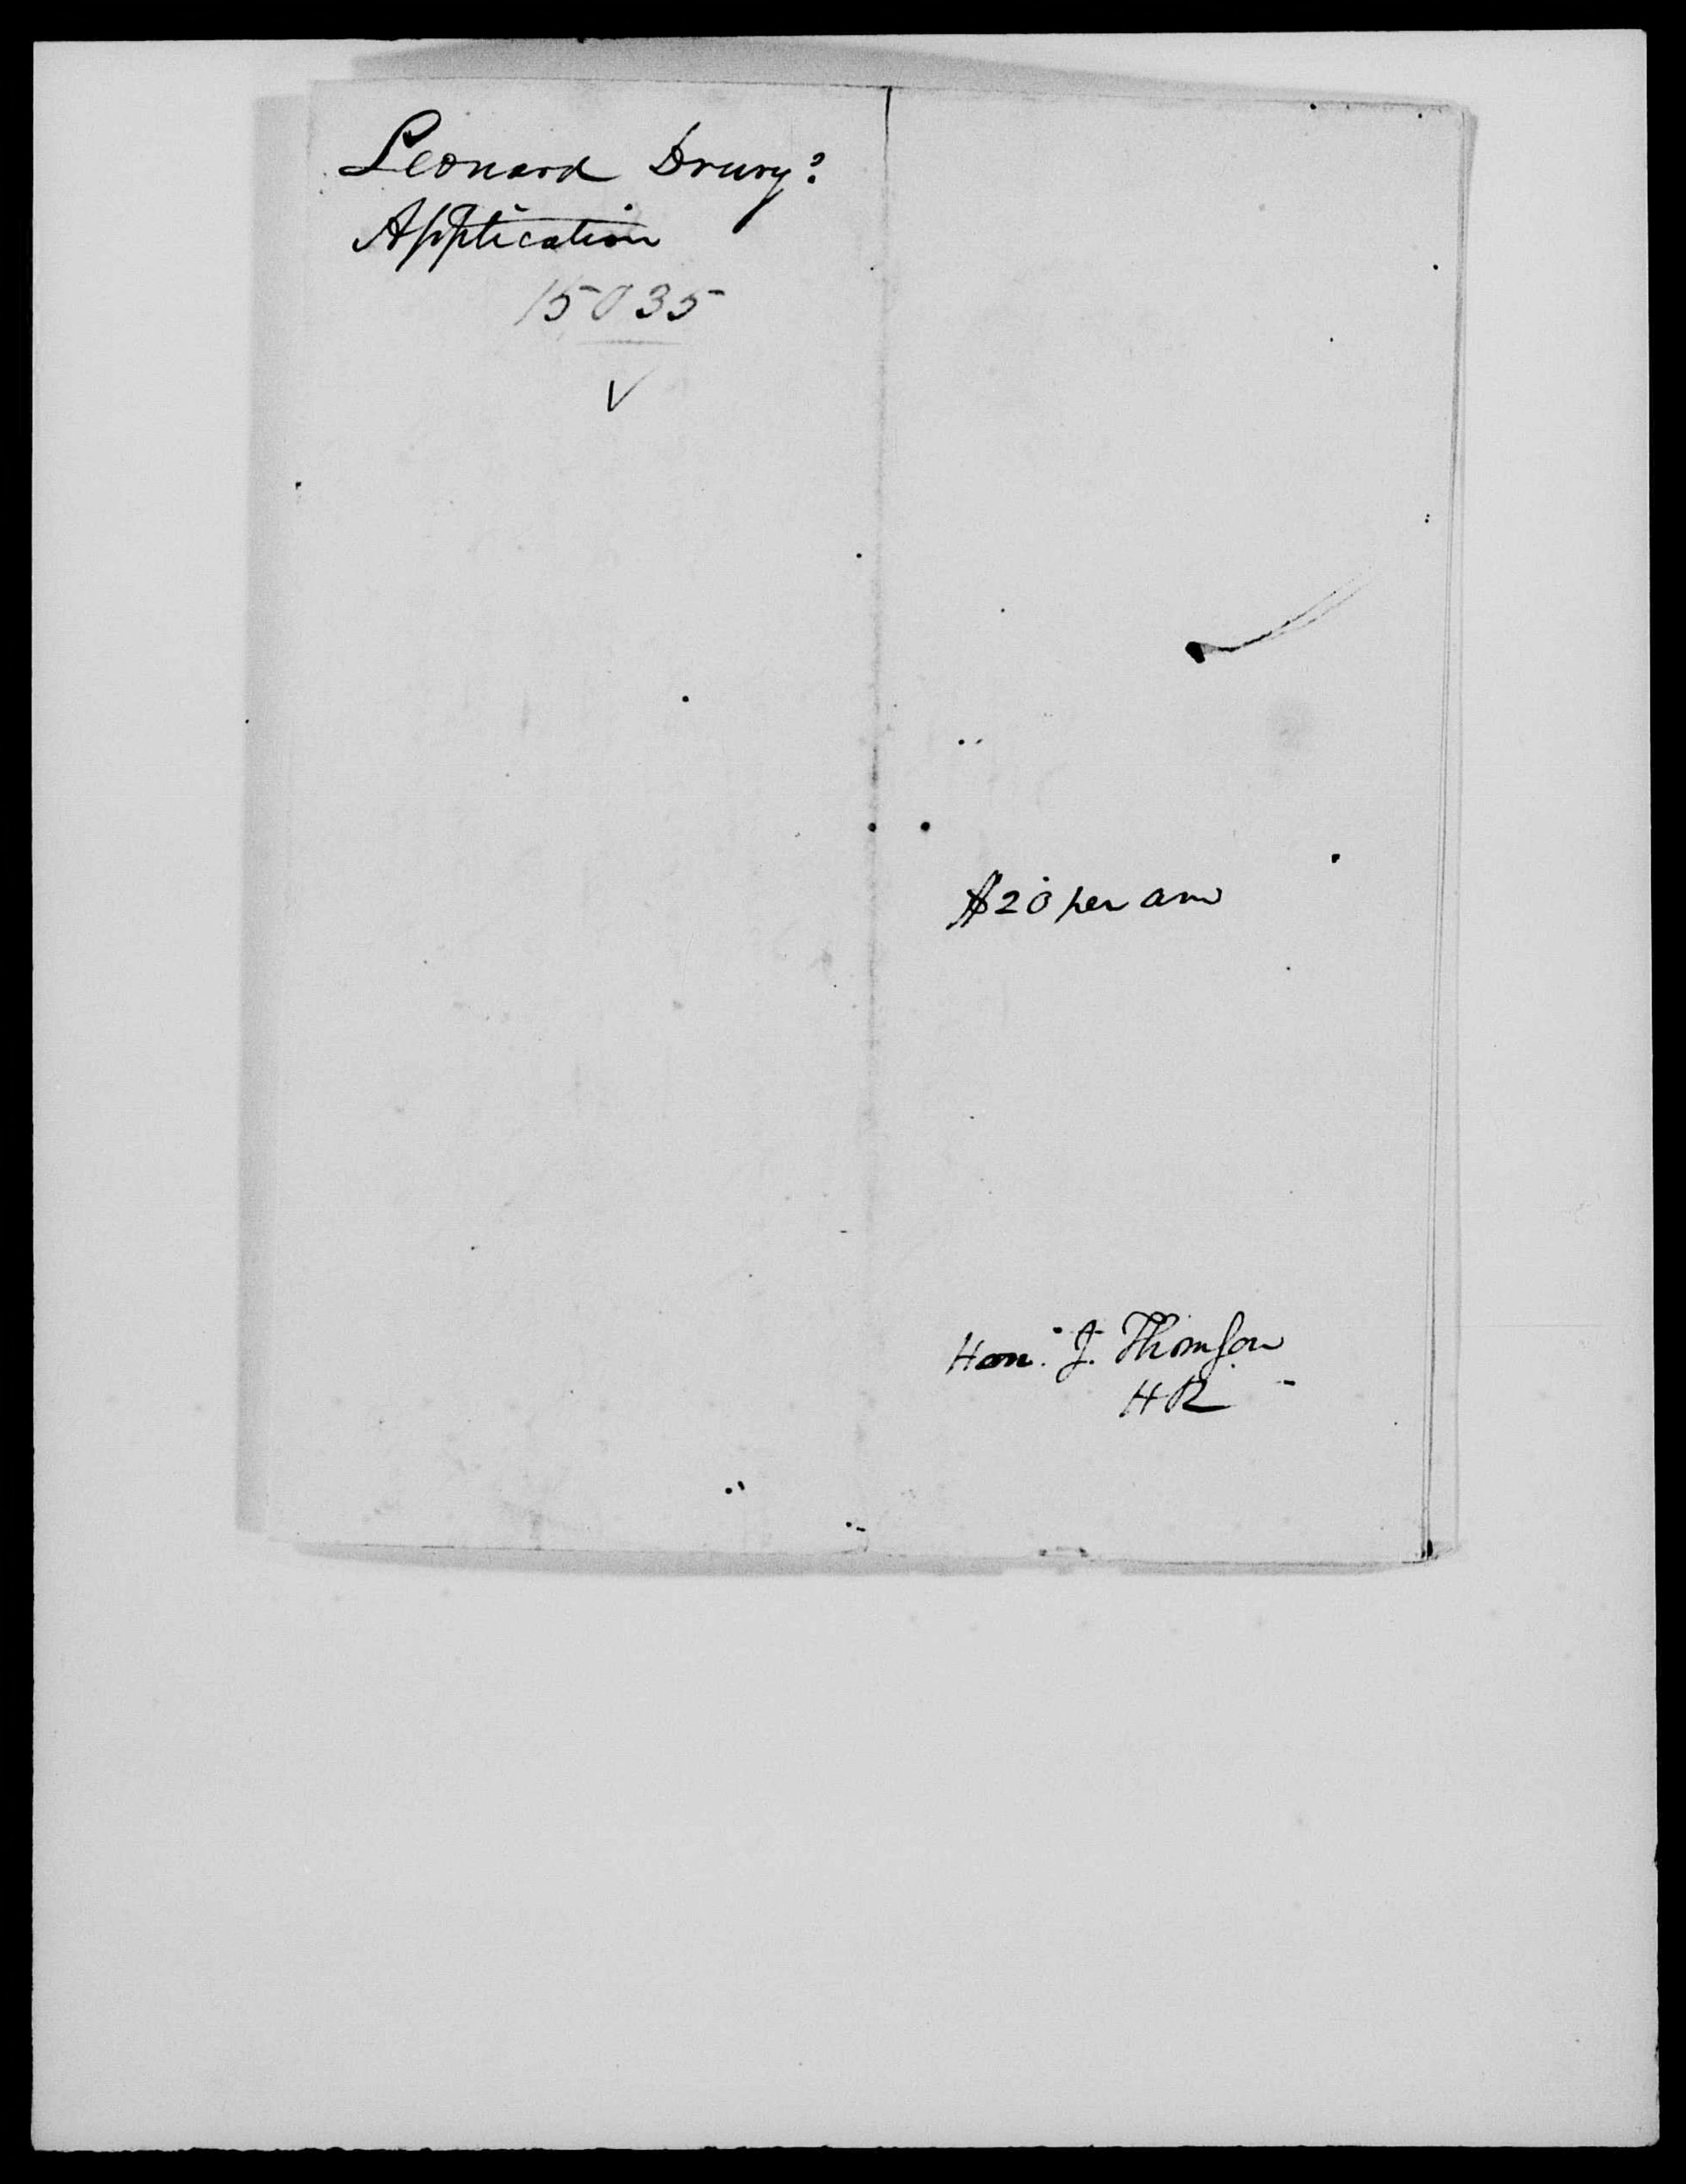Left Side Page

Leonard Drury
Application
15035


Right Side Page

$20 per ann

Hon. J. Thomson
H.R.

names: Leonard Drury, J Thomson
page: 5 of 9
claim: survivor's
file: S. 2183, Leonard Drury, Md.